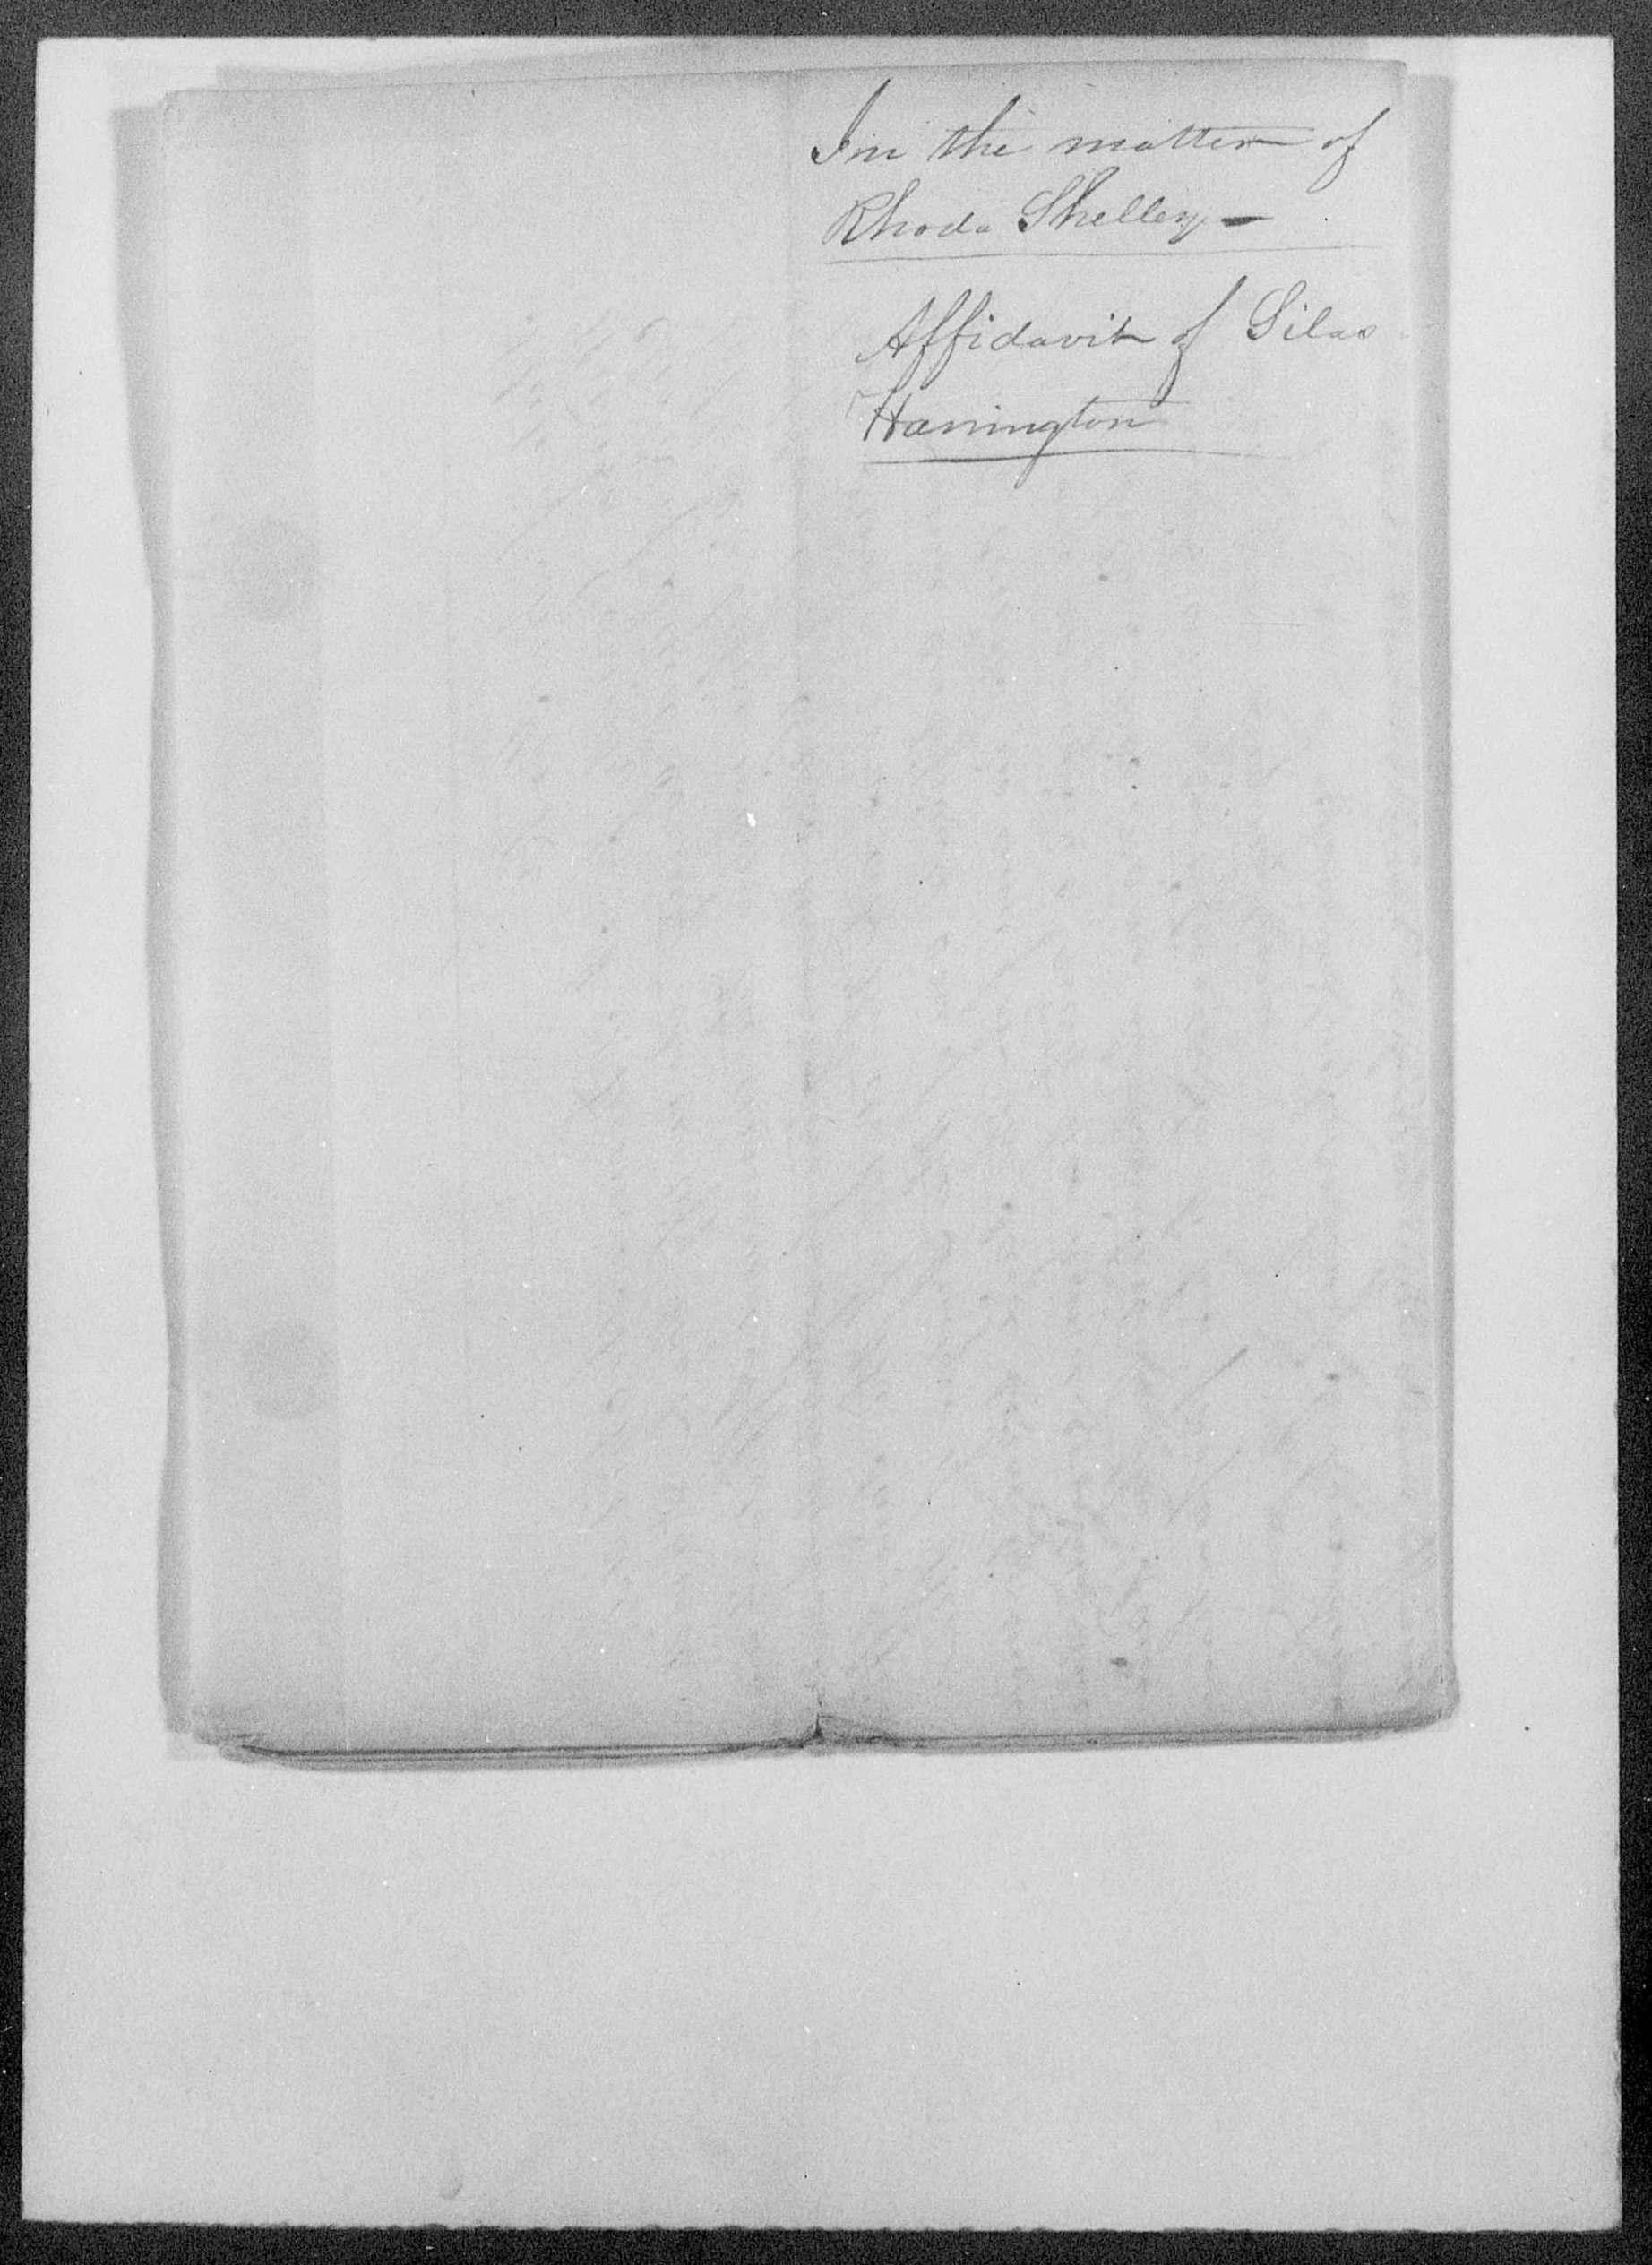In the matter of Rhoda Shelley -
Affidavit of Silas Harrington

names: Silas Harrington, Rhoda Shelley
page: 8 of 51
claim: widow's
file: W. 19,026, Israel Harrington, R.I.